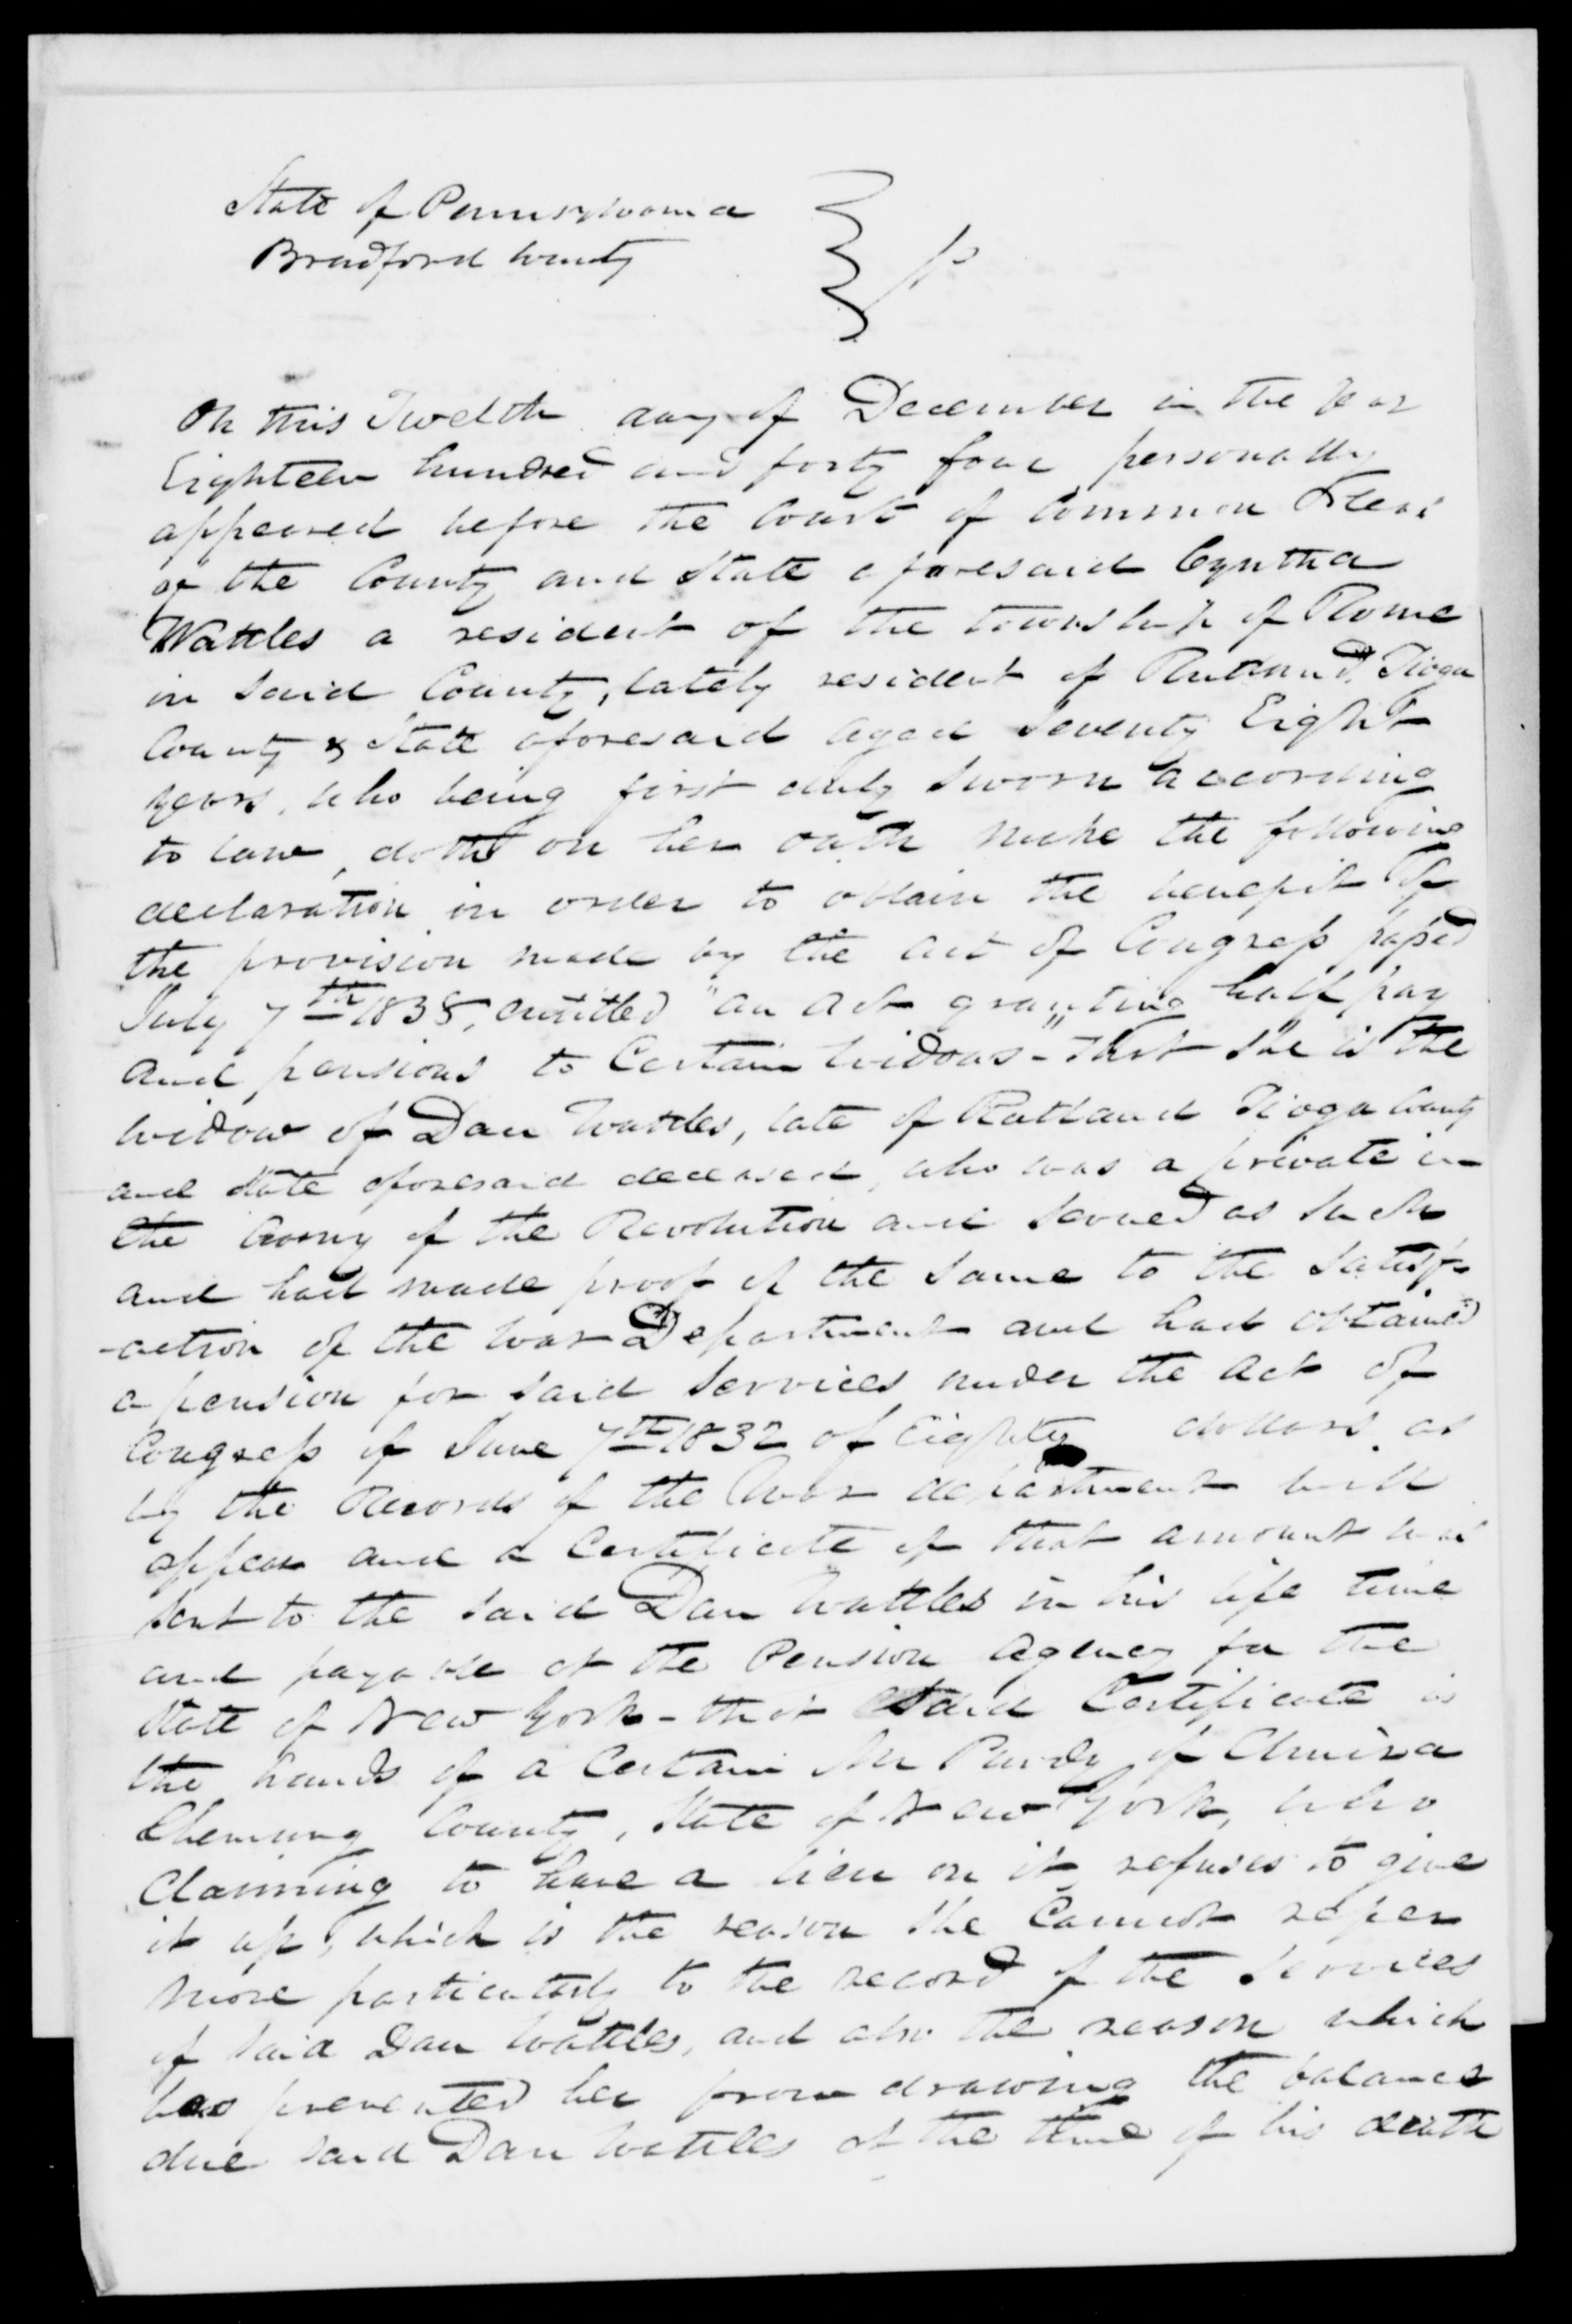State of Pennsylvania }
Bradford County } Ss
On this Twelth day of December in the year Eighteen hundred and forty four personally appeared before the Court of Common Pleas of the County and State aforesaid Cyntha Wattles a resident of the township of Rome in said County, lately resident of Rutland Tioga County & State aforesaid aged Seventy Eight years, who being first duly sworn according to law doth on her oath make the following declaration in order to obtain the benefit of the provision made by the act of Congress passed July 7th 1838, entitled "an Act granting half pay and pensions to certain widows". That she is the widow of Dan Wattles, late of Rutland Tioga County and State aforesaid deceased who was a private in the army of the Revolution and served as such department and had obtained a pension for said services under the act of Congress of June 7th 1832 of Eighty dollars as by the Records of the war department will appear and a certificate of that amount to be sent to the said Dan Wattles in his life time and payable at the Pension Agency for the State of New York this said Certificate is
the hands of a certain Mr Pardy of Elmira Chemung County, State of New York, to claiming to have a lien on it refuses to give it up which is the reason she cannot refer more particularly to the record of the services of said Dan Wattles, and also the reason which has prevented her from drawing the balance due said Dan Wattles at the time of his death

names: Dan Wattles, Cyntha Wattles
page: 60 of 70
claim: widow's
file: W. 3743, Dan Wattles, Conn.